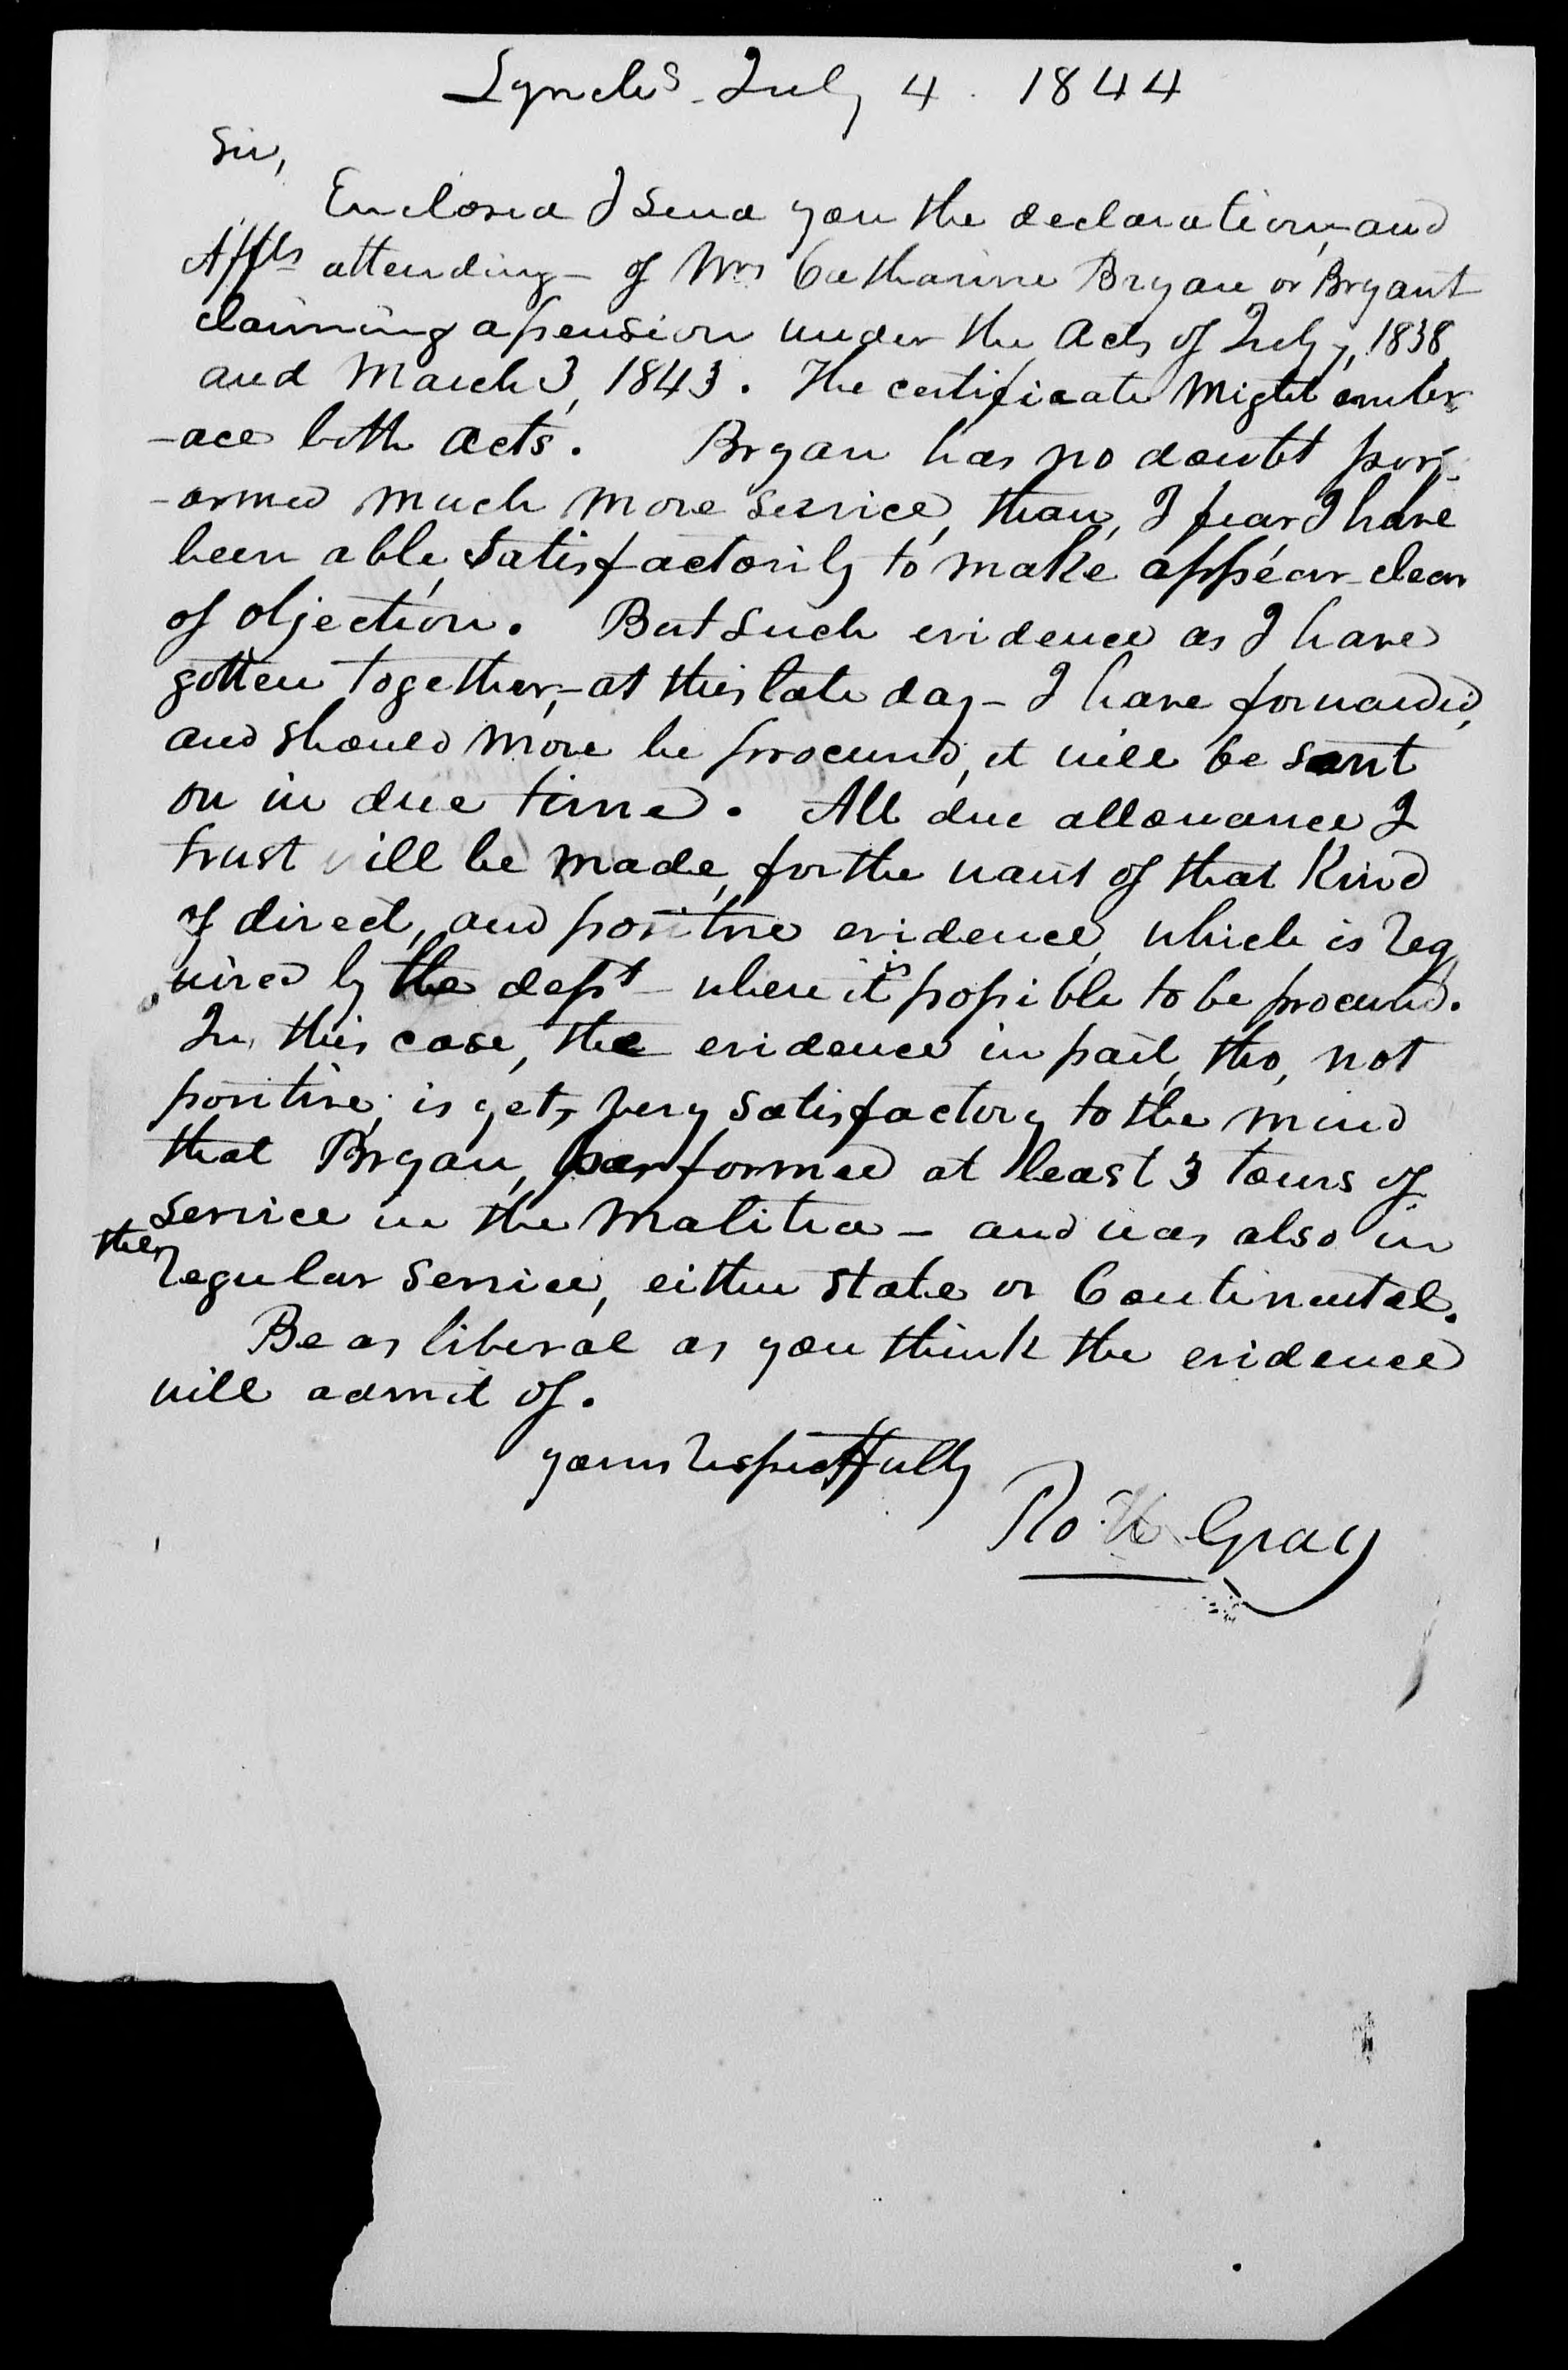Lynch’s July 4, 1844

Sir,
Enclosed I send you the declaration and fifth attending - of Mrs. Catharine Bryan or Bryant claiming a pension under the Acts of July 7, 1838 and March 3, 1843. The certificate might embrace both acts. Bryan has no doubt performed much more service than, I heard have been able satisfactorily to make appear clear of objection. But such evidence as I have gotten together, - at this late day – I have forwarded, and should more be procured, it will be sent on in due time. All due allowance I trust will be made, for the want of that kind of direct and positive evidence which is required by the dept where it is possible to be procured. In this case, the evidence in part tho, not positive is yet very satisfactory to the mind that Bryan, performed at least 3 tours of service in the Militia – and in, also in the Regular Service, either State or Continental. Be as liberal as you think the evidence will admit of.

Yours respectfully
Ro H. Gray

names: Catharine Bryan, Bryan, Ro H Gray, Catharine Bryant, Bryan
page: 24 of 31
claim: widow's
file: W. 3759, John Bryan, Va.